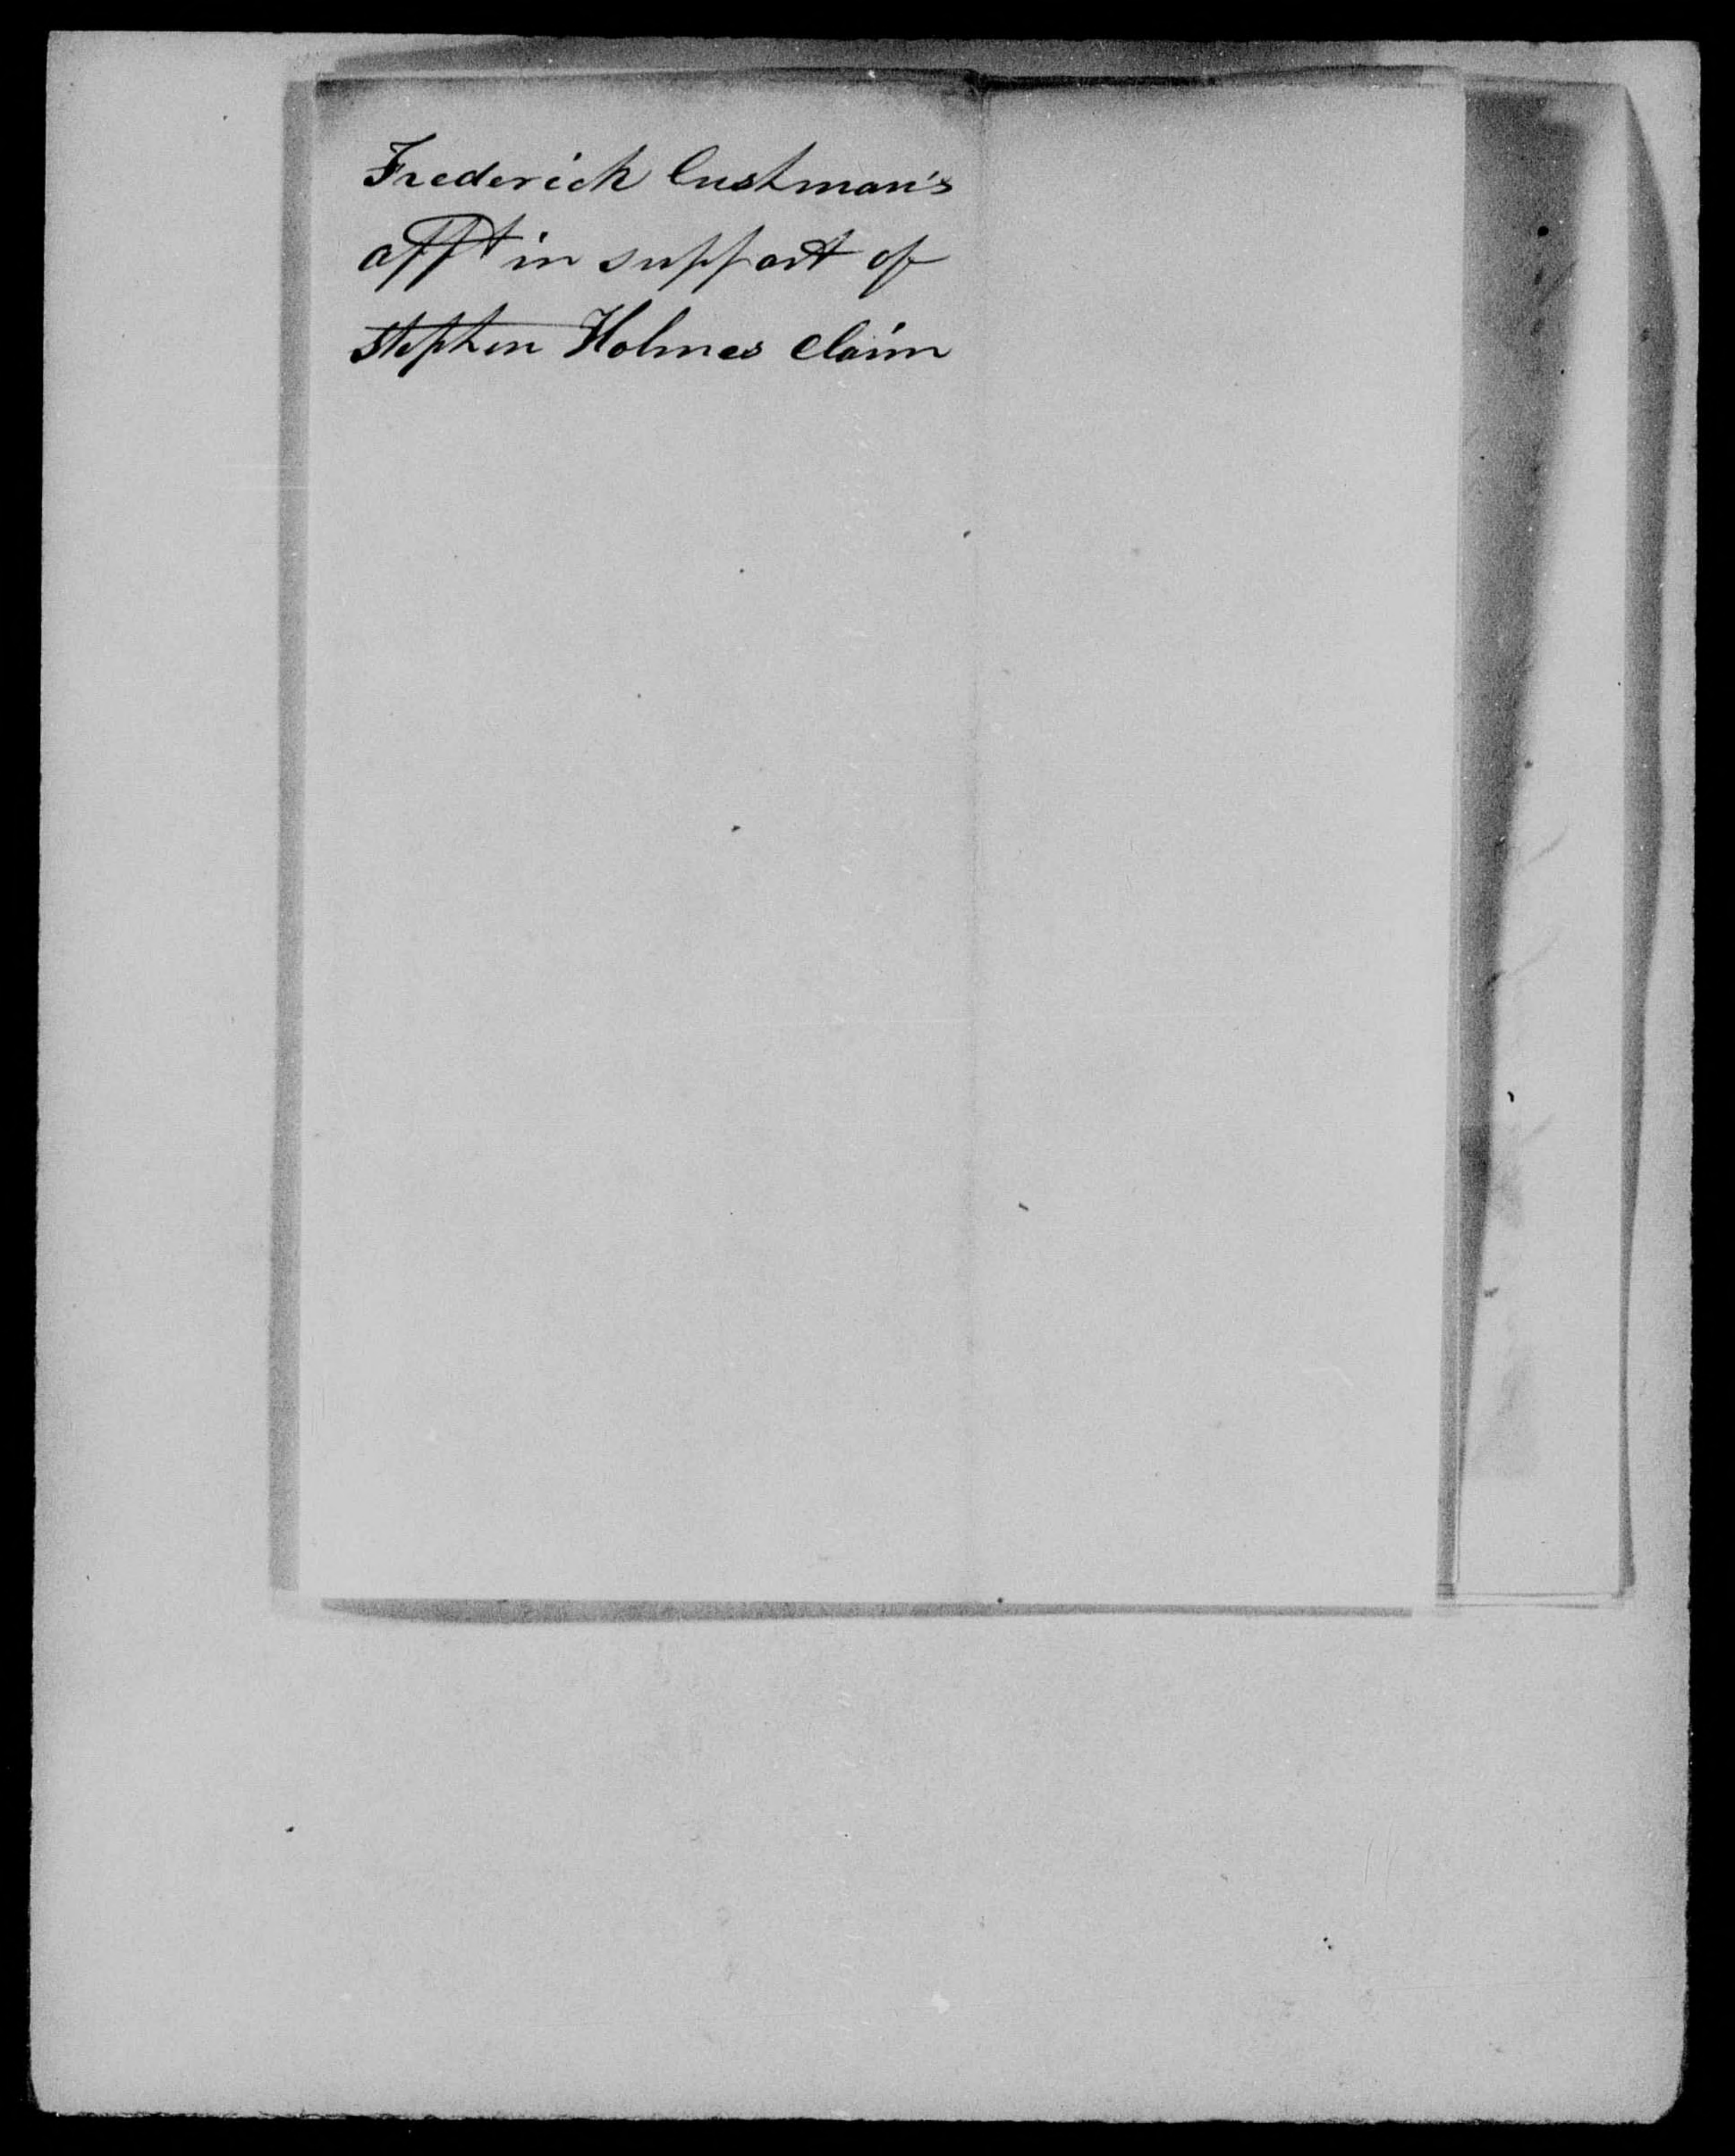Frederick Cushman's appt in support of Stephen Holmes claim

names: Stephen Holmes, Frederick Cushman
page: 49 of 72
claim: widow's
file: W. 7771, Stephen Holmes, Vt.